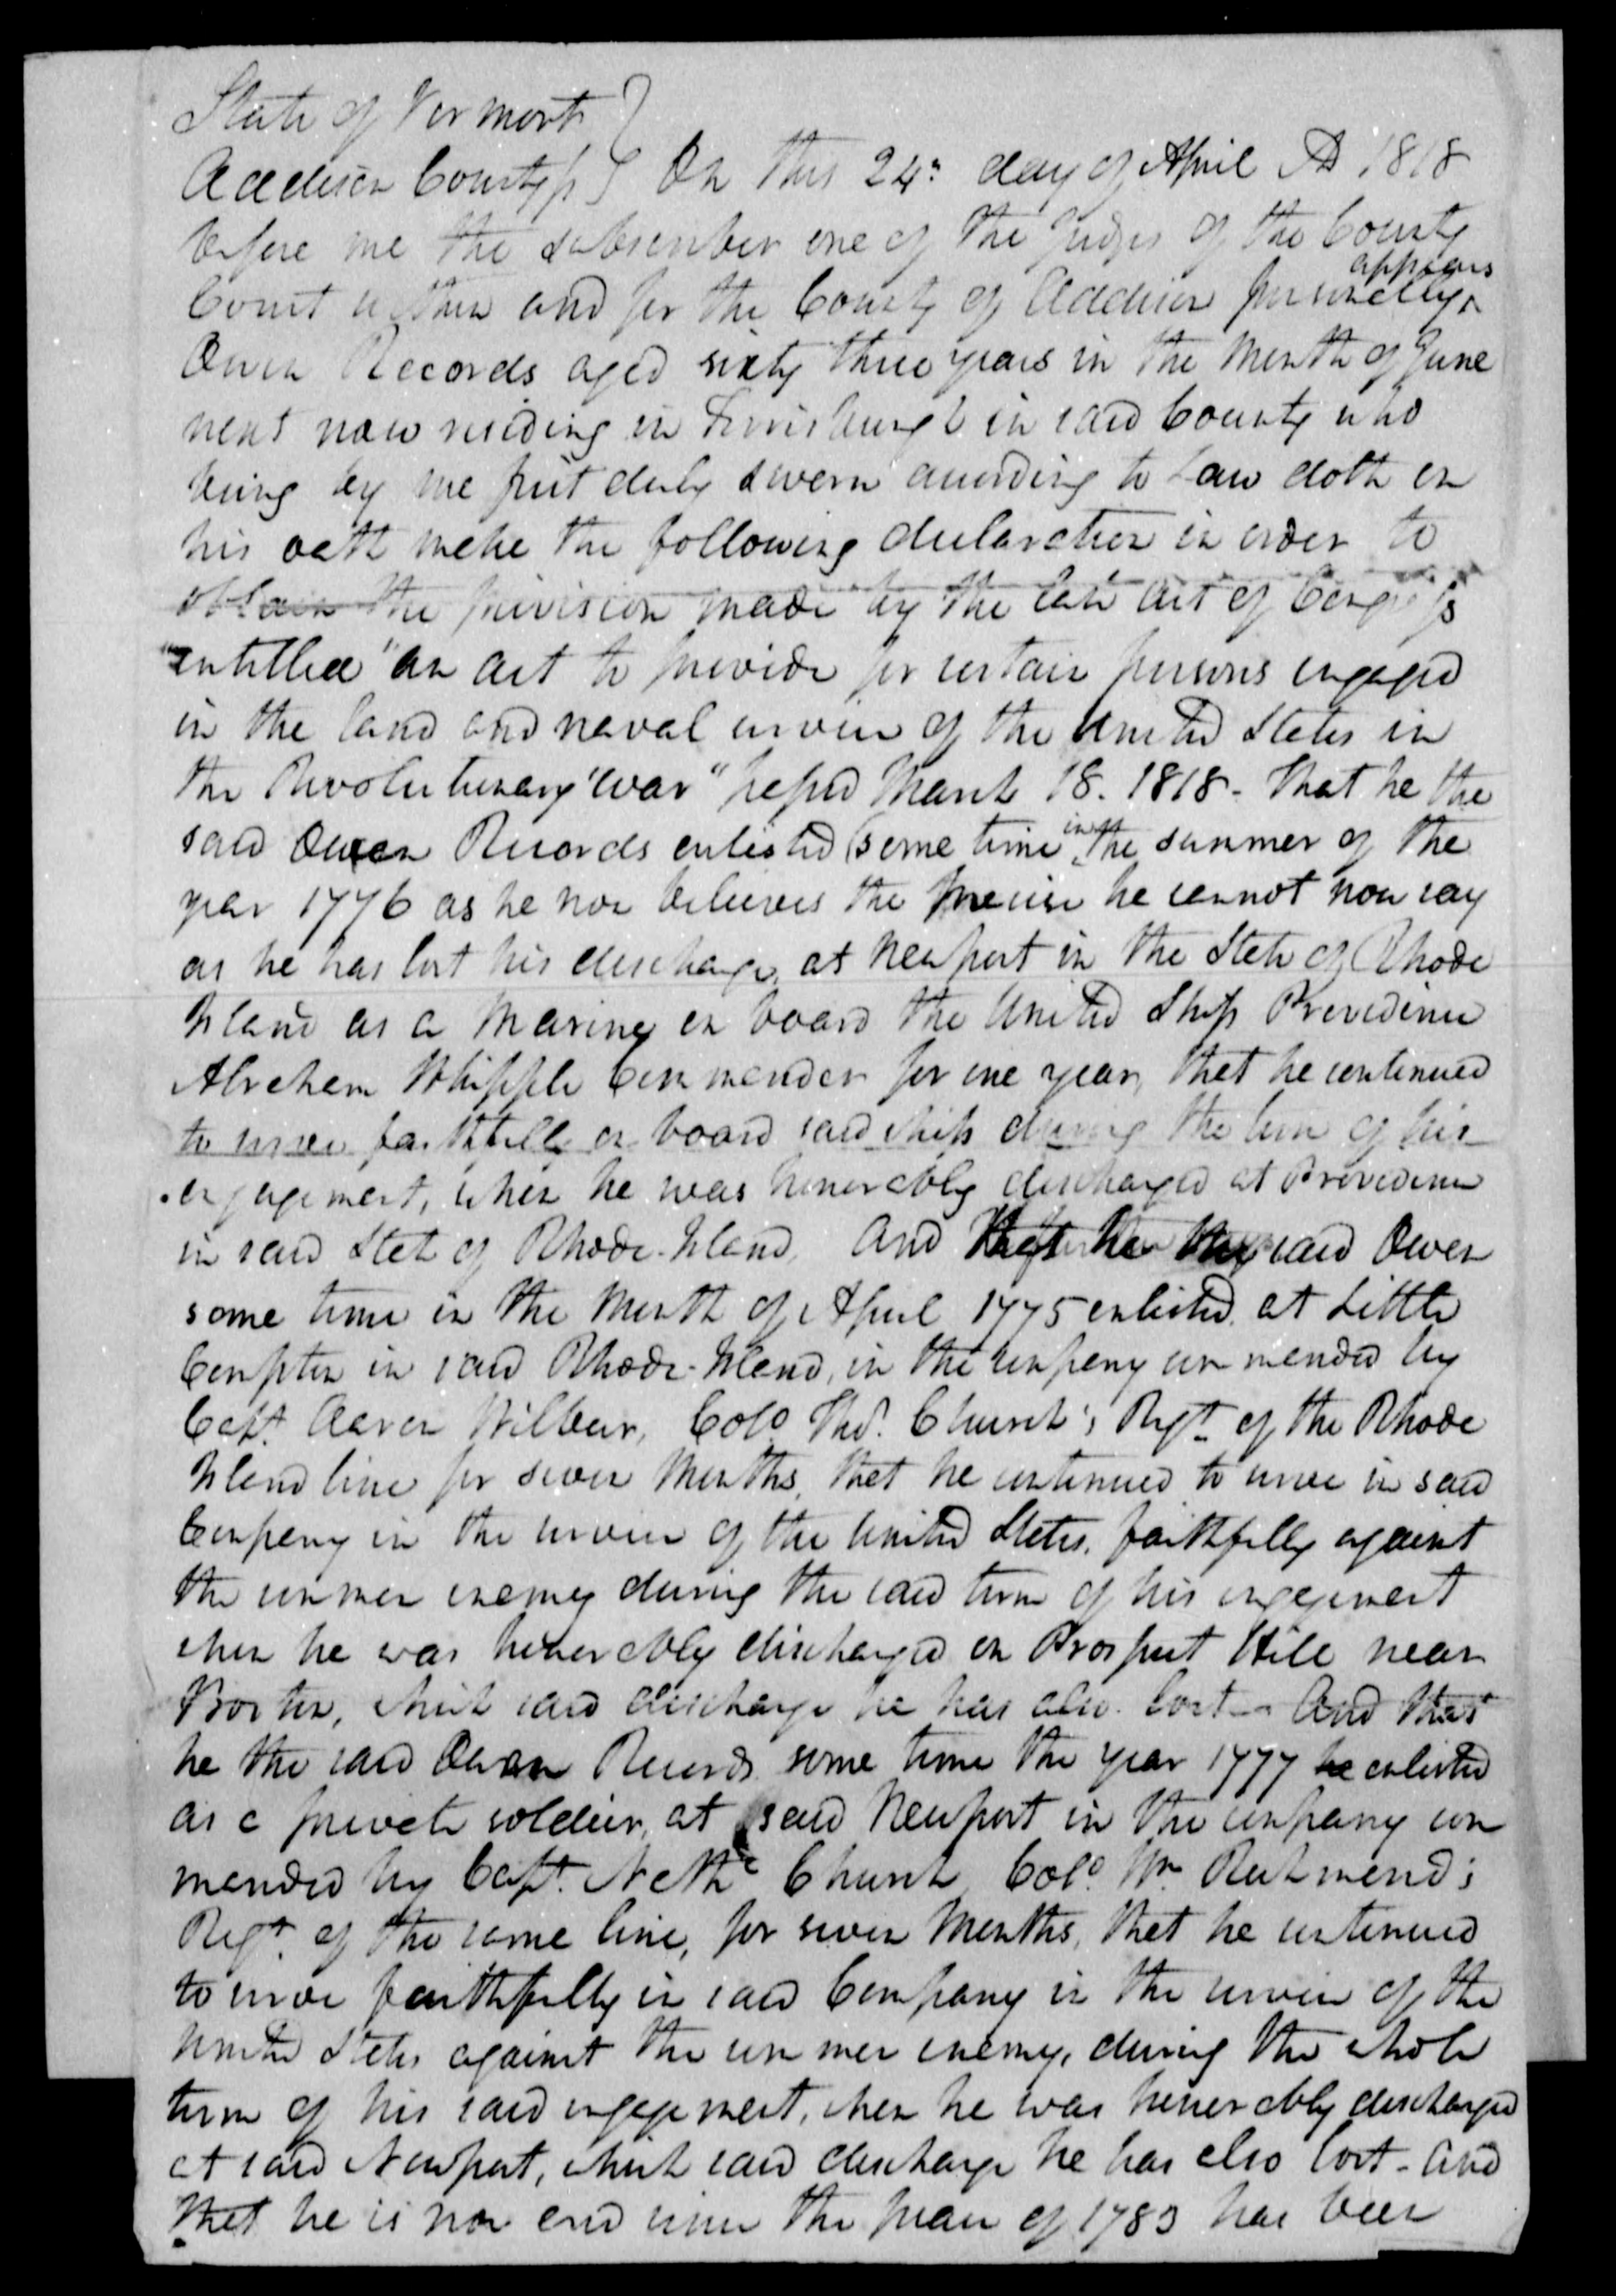State of Vermont
Addison County ss ⎬ On this 24th day of April AD 1818 before me the subscriber one of the Judges of the County Court within and for the County of Addison personally appears Owen Records aged sixty three years in the Month of June next now residing in Ferrisburgh in said County who being by me first duly sworn according to law doth on his oath make the following declaration in order to obtain the provision made by the late Act of Congress entitled "An Act to provide for certain persons engaged in the land and naval services of the United States in the Revolutionary War" passed March 18, 1818. That he the said Owen Records enlisted (sometime in the summer of the year 1776 as he now believes the precise he cannot now say as he has lost his discharge at Newport in the State of Rhode Island as a Mariner on board the United Ship Providence Abraham Whipple Commander for one year, that he continued to serve faithfully on board said ship during the time of his engagement, where he was honorably discharged at Providence in the State of Rhode Island. And that the said Owen some time in the month of April 1775 enlisted at Little Compton in said Rhode Island in the company commanded by Capt. Aaron Wilbur, Col Thomas Church; Regt. of the Rhode Island line for seven Months. That he continued to serve in said Company in the service of the United States, faithfully against the common enemy during the said term of his engagement then he was honorably discharged on Prophet Hill near Boston, which said discharge he has also lost - And that he the said Owen Records some time the year 1777 he enlisted as a private soldier at said Newport in the company commanded by Capt. Neth Church, Col. Wm Richmond; Regt of the same line, for seven Months that he continued to serve faithfully in said Company in the service of the United States against the common enemy, during the whole term of his said engagement, then he was honorably discharged at said Newport, which said discharge he has also lost. And that he is now and since the year of 1780 has been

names: Abrehem Whipple; Owen Records; Alver Wilbur; Owen [BLANK]; Owen Records; Neth Church; Owen Records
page: 3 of 12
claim: survivor's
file: S. 41977, for Owen Records, Rhode Island